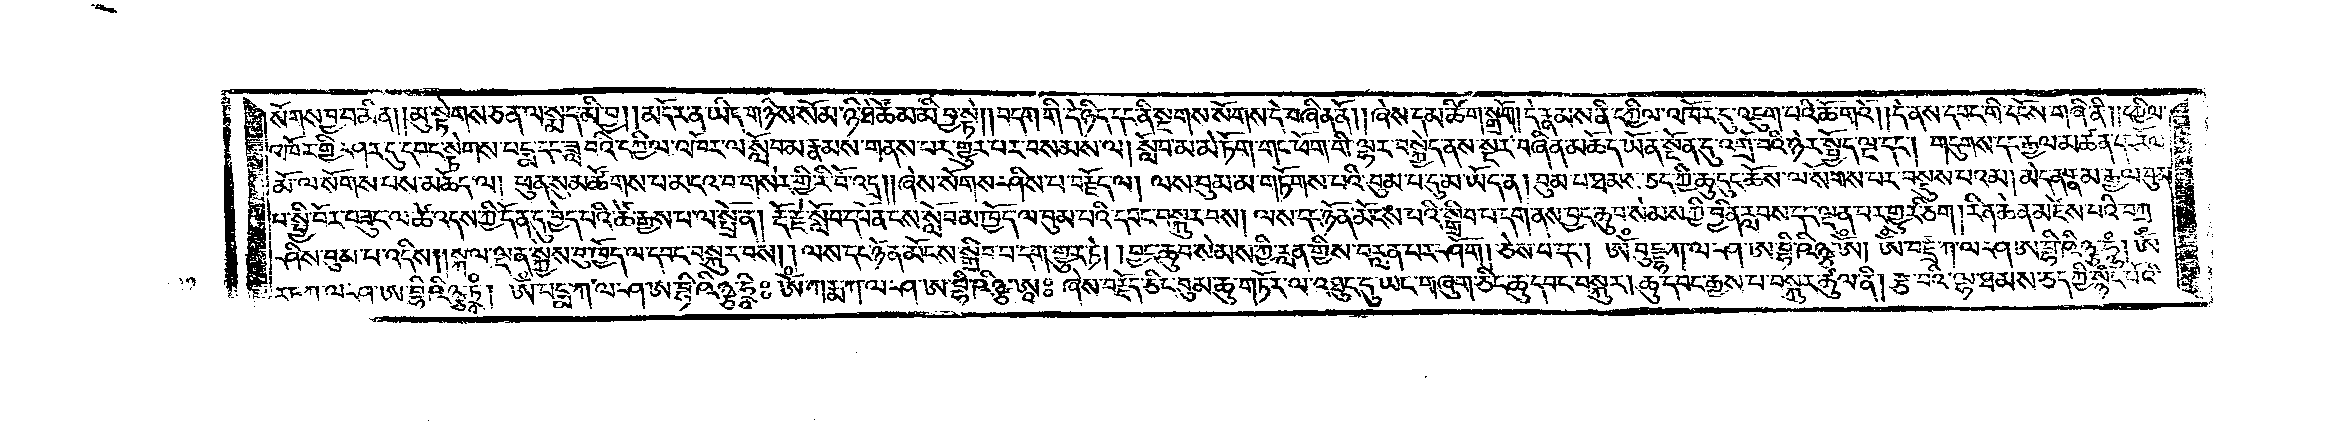སོགས་བྱ་བ་མིན། །མུ་སྟེགས་ཅན་ལ་སྨད་མི་བྱ། །མདོར་ན་ཡིད་གཉིས་སོམ་ཉི་ཐེ་ཚོམ་མི་བྱ་སྟེ། །བདག་གི་དེ་ཉིད་དང་ནི་སྔགས་སོགས་དེ་བཞིན་ནོ། །ཞེས་དམ་ཚིག་སྒྲོག །དེ་རྣམས་ནི་དཀྱིལ་འཁོར་དུ་འཇུག་པའི་ཆོ་གའོ། །དེ་ནས་དབང་གི་དངོས་གཞི་ནི། །དཀྱིལ་
འཁོར་གྱི་ཤར་དུ་དབང་སྟེགས་པདམ་དང་ཟླ་བའི་དཀྱིལ་འཁོར་ལ་སློབ་མ་རྣམས་གནས་པར་གྱུར་པར་བསམས་ལ། སློབ་མ་མེ་ཏོག་གང་ཕོག་གི་ལྷར་བསྐྱད་ནས་སྔར་བཞིན་མཆོད་ཡོན་སྔོན་དུ་འགྲོ་བའི་ཉེར་སྤྱོད་ལྔ་དང་། གདུགས་དང་རྒྱལ་མཚན་དང་རོལ་
མོ་ལ་སོགས་པས་མཆོད་ལ། ཕུན་སུམ་ཚོགས་པ་མངའ་བ་གསེར་གྱི་རི་བོ་འདྲ། །ཞེས་སོགས་ཤིས་པ་བརྗོད་ལ། ལས་བུམ་མ་གཏོགས་པའི་བུམ་པ་དུ་མ་ཡོད་ན། བུམ་པ་ཐམས་ཅད་ཀྱི་ཆུ་དུང་ཆོས་ལ་སོགས་པར་བསྡུས་པའམ། མེད་ན་རྣམ་རྒྱལ་བུམ་
པ་སྤྱི་བོར་བཟུང་ལ་ཚེ་འདས་ཀྱི་དོན་དུ་བྱེད་པའི་ཚེ་རྒྱས་པ་ལ་སྤྲོ་ན། རྡོ་རྗེ་སློབ་དཔོན་ངས་སློབ་མ་ཁྱོད་ལ་བུམ་པའི་དབང་བསྐུར་བས། ལས་དང་ཉོན་མོངས་པའི་སྒྲིབ་པ་དག་ནས་བྱང་ཆུབ་སེམས་ཀྱི་བྱིན་རླབས་དང་ལྡན་པར་གྱུར་ཅིག །རིན་ཆེན་མཛེས་པའི་བཀྲ་
ཤིས་བུམ་པ་འདིས། །སྐལ་ལྡན་སྐྱེས་བུ་ཁྱེད་ལ་དབང་བསྐུར་བས། །ལས་དང་ཉོན་མོངས་སྒྲིབ་པ་དག་གྱུར་ཏེ། །བྱང་ཆུབ་སེམས་ཀྱི་རླན་གྱིས་བརླན་པར་ཤོག །ཅེས་པ་དང་། ཨོཾ་བུདྡྷ་ཀ་ལ་ཤ་ཨ་བྷི་ཥིཉྩ་ཨོཾ། ཨོཾ་བཛྲ་ཀ་ལ་ཤ་ཨ་བྷི་ཥིཉྩ་ཧཱུཾ། ཨོཾ་
རཏྣ་ཀ་ལ་ཤ་ཨ་བྷི་ཥིཉྩ་ཏྲཱཾ། ཨོཾ་པདམ་ཀ་ལ་ཤ་ཨ་བྷི་ཥིཉྩ་ཧྲཱིཿ ཨོཾ་ཀརྨ་ཀ་ལ་ཤ་ཨ་བྷི་ཥིཉྩ་ཨཱཿ ཞེས་བརྗོད་ཅིང་བུམ་ཆུ་གཏོར་ལ་འཐུང་དུ་ཡང་གཞུག་ཅིང་ཆུ་དབང་བསྐུར། ཆུ་དབང་རྒྱས་པ་བསྐུར་ཚུལ་ནི། རྩ་བའི་ལྷ་ཐམས་ཅད་ཀྱི་སྙིང་པོའི་